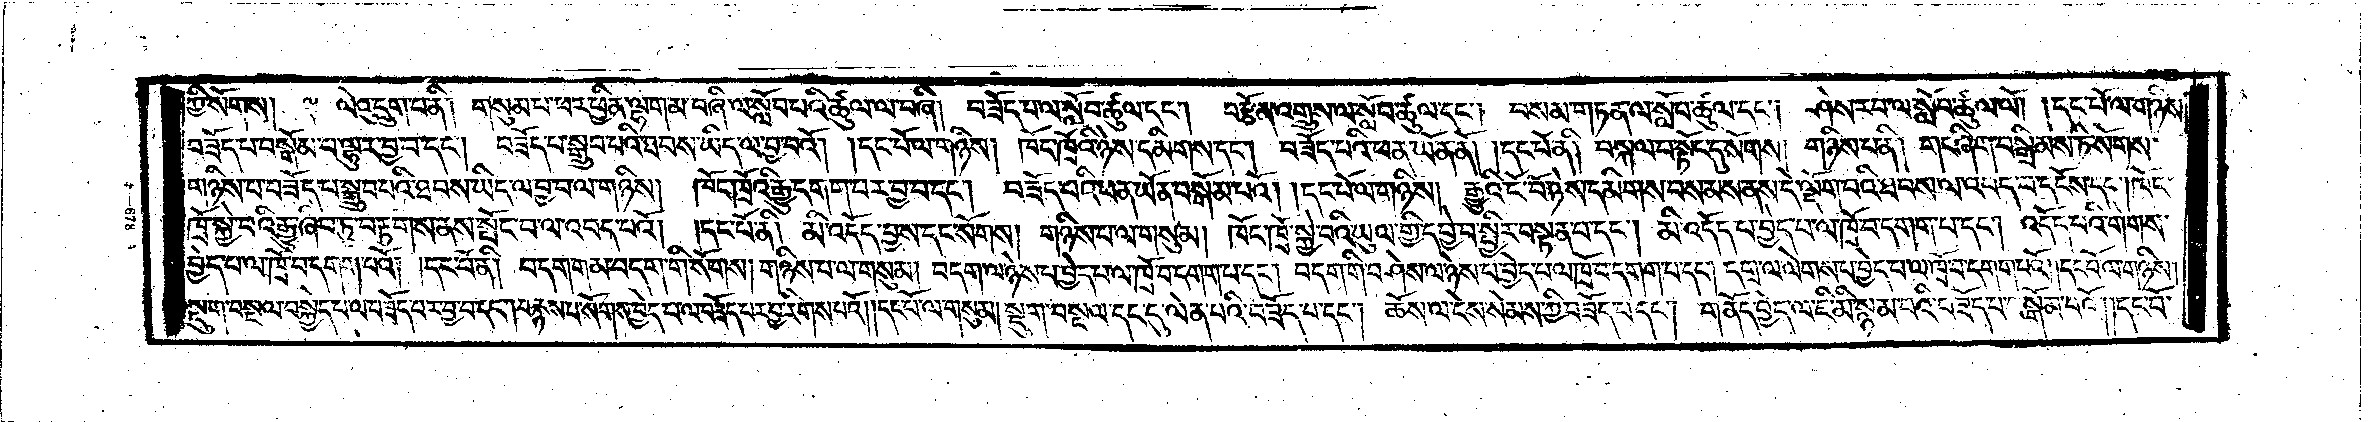ཀྱི་སོགས། ༈ ལེའུ་དྲུག་པ་ནི། གསུམ་པ་ཕར་ཕྱིན་ལྷག་མ་བཞི་ལ་སློབ་པའི་ཚུལ་ལ་བཞི། བཟོད་པ་ལ་སློབ་ཚུལ་དང་། བརྩོན་འགྲུས་ལ་སློབ་ཚུལ་དང་། བསམ་གཏན་ལ་སློབ་ཚུལ་དང་། ཤེས་རབ་ལ་སློབ་ཚུལ་ལོ། །དང་པོ་ལ་གཉིས་
བཟོད་པ་བསྒོམ་པ་ལྷུར་བྱ་བ་དང་། བཟོད་པ་སྒྲུབ་པའི་ཐབས་ཡིད་ལ་བྱ་བའོ། །དང་པོ་ལ་གཉིས། ཁོང་ཁྲོའི་ཉེས་དམིགས་དང་། བཟོད་པའི་ཕན་ཡོན་ནོ། །དང་པོ་ནི། བསྐལ་བ་སྟོང་དུ་སོགས། གཉིས་པ་ནི། གང་ཞིག་བསྒྲིམས་ཏེ་སོགས་
གཉིས་པ་བཟོད་པ་སྒྲུབ་པའི་ཐབས་ཡིད་ལ་བྱ་བ་ལ་གཉིས། ཁོང་ཁྲོའི་རྒྱུ་དགག་བར་བྱ་བ་དང་། བཟོད་པའི་ཕན་ཡོན་བསྒོམ་པའོ། །དང་པོ་ལ་གཉིས། རྒྱུའི་ངོ་བོ་ཉེས་དམིགས་བསམས་ནས་དེ་ལྡོག་པའི་ཐབས་ལ་འབད་པ་དངོས་དང་། ཁོང་
ཁྲོ་སྐྱེ་བའི་རྒྱུ་ཞིབ་ཏུ་བརྟགས་ནས་སྤོང་བ་ལ་འབད་པའོ། །དང་པོ་ནི། མི་འདོད་བྱས་དང་སོགས། གཉིས་པ་ལ་གསུམ། ཁོང་ཁྲོ་སྐྱེ་བའི་ཡུལ་གྱི་དབྱེ་བ་སྤྱིར་བསྟན་པ་དང་། མི་འདོད་པ་བྱེད་པ་ལ་ཁྲོ་བ་དགག་པ་དང་། འདོད་པའི་གེགས་
བྱེད་པ་ལ་ཁྲོ་བ་དགག་པའོ། །དང་པོ་ནི། བདག་གམ་བདག་གི་སོགས། གཉིས་པ་ལ་གསུམ། བདག་ལ་ཉེས་པ་བྱེད་པ་ལ་ཁྲོ་བ་དགག་པ་དང་། བདག་གི་བཤེས་ལ་ཉེས་པ་བྱེད་པ་ལ་ཁྲོ་བ་དགག་པ་དང་། དགྲ་ལ་ལེགས་པ་བྱེད་པ་ལ་ཁྲོ་བ་དགག་པའོ། །དང་པོ་ལ་གཉིས།
སྡུག་བསྔལ་བསྐྱེད་པ་ལ་བཟོད་པར་བྱ་བ་དང་། བརྙས་པ་སོགས་བྱེད་པ་ལ་བཟོད་པར་བྱ་རིགས་པའོ། །དང་པོ་ལ་གསུམ། སྡུག་བསྔལ་དང་དུ་ལེན་པའི་བཟོད་པ་དང་། ཆོས་ལ་ངེས་སེམས་ཀྱི་བཟོད་པ་དང་། གནོད་བྱེད་ལ་ཇི་མི་སྙམ་པའི་བཟོད་པ་བསྒོམ་པའོ། །དང་པོ་